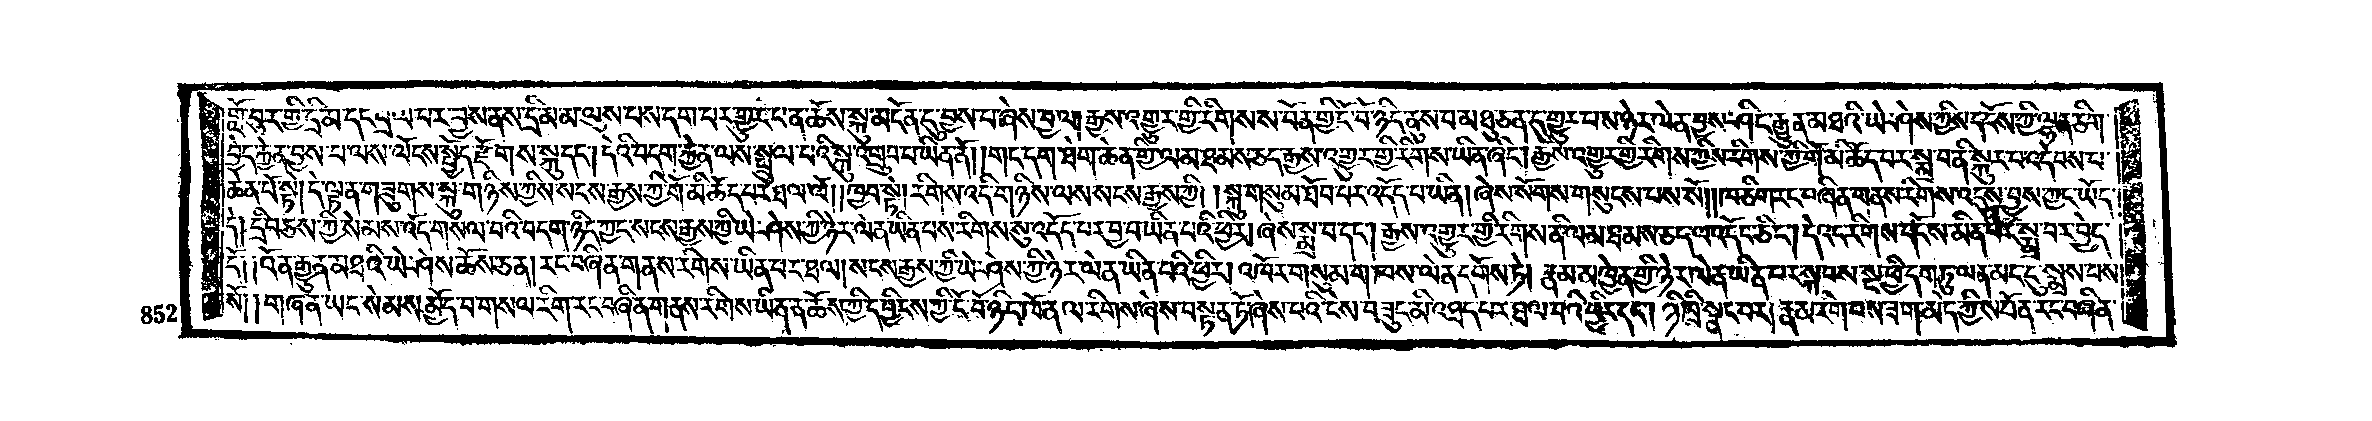གློ་བུར་གྱི་དྲི་མ་དང་བྲལ་བར་བྱས་ནས་དྲི་མ་མ་ལུས་པས་དག་པར་གྱུར་པ་ན་ཆོས་སྐུ་མངོན་དུ་བྱས་པ་ཞེས་བྱ་ལ། རྒྱས་འགྱུར་གྱི་རིགས་ས་བོན་གྱི་ངོ་བོ་ཉིད་ནུས་པ་མཐུ་ཅན་དུ་གྱུར་པས་ཉེར་ལེན་བྱས་ཤིང་རྒྱུན་མཐའི་ཡེ་ཤེས་ཀྱིས་དངོས་ཀྱི་ལྷན་ཅིག་
བྱེད་རྐྱེན་བྱས་པ་ལས་ལོངས་སྤྱོད་རྫོགས་སྐུ་དང་། དེའི་བདག་རྐྱེན་ལས་སྤྲུལ་བའི་སྐུ་འགྲུབ་པ་ཡིན་ནོ། །གང་དག་ཐེག་ཆེན་གྱི་ལམ་ཐམས་ཅད་རྒྱས་འགྱུར་གྱི་རིགས་ཡིན་ཞིང་། རྒྱས་འགྱུར་གྱི་རིགས་ཀྱིས་རིགས་ཀྱི་གོ་མི་ཆོད་པར་སྨྲ་བ་ནི་སྐུར་བ་འདེབས་པ་
ཆེན་པོ་སྟེ། དེ་ལྟ་ན་གཟུགས་སྐུ་གཉིས་ཀྱིས་སངས་རྒྱས་ཀྱི་གོ་མི་ཆོད་པར་ཐལ་ལོ། །ཁྱབ་སྟེ། རིགས་འདི་གཉིས་ལས་སངས་རྒྱས་ཀྱི། །སྐུ་གསུམ་ཐོབ་པར་འདོད་པ་ཡིན། ཞེས་སོགས་གསུངས་པས་སོ། །ཁ་ཅིག་རང་བཞིན་གནས་རིགས་འདུས་བྱས་ཀྱང་ཡོད་
དེ། དྲི་བཅས་ཀྱི་སེམས་འོད་གསལ་བའི་བདག་ཉིད་ཀྱང་སངས་རྒྱས་ཀྱི་ཡེ་ཤེས་ཀྱི་ཉེར་ལེན་ཡིན་པས་རིགས་སུ་འདོད་པར་བྱ་བ་ཡིན་པའི་ཕྱིར། ཞེས་སྨྲ་བ་དང་། རྒྱས་འགྱུར་གྱི་རིགས་ནི་ལམ་ཐམས་ཅད་ལ་འདོད་ཅིང་། དེའང་རིགས་དངོས་མིན་པར་སྨྲ་བར་བྱེད་
དོ༑ ༑འོ་ན་རྒྱུན་མཐའི་ཡེ་ཤེས་ཆོས་ཅན། རང་བཞིན་གནས་རིགས་ཡིན་པར་ཐལ། སངས་རྒྱས་ཀྱི་ཡེ་ཤེས་ཀྱི་ཉེར་ལེན་ཡིན་པའི་ཕྱིར། འཁོར་གསུམ་ག་ཁས་ལེན་དགོས་ཏེ། རྣམ་མཁྱེན་གྱི་ཉེར་ལེན་ཡིན་པར་སྐབས་སྔ་ཕྱི་དག་ཏུ་ལན་མང་དུ་སྨྲས་པས་
སོ༑ ༑གཞན་ཡང་སེམས་མྱོང་བ་གསལ་རིག་རང་བཞིན་གནས་རིགས་ཡིན་ན་ཆོས་ཀྱི་དབྱིངས་ཀྱི་ངོ་བོ་ཉིད་ཁོ་ན་ལ་རིགས་ཞེས་བསྟན་ཏོ་ཞེས་པའི་ངེས་བཟུང་མི་འཐད་པར་ཐལ་བའི་ཕྱིར་དང་། ཉི་ཁྲི་སྣང་བར། རྣམ་རིག་པས་ཟག་མེད་ཀྱི་ས་བོན་རང་བཞིན་